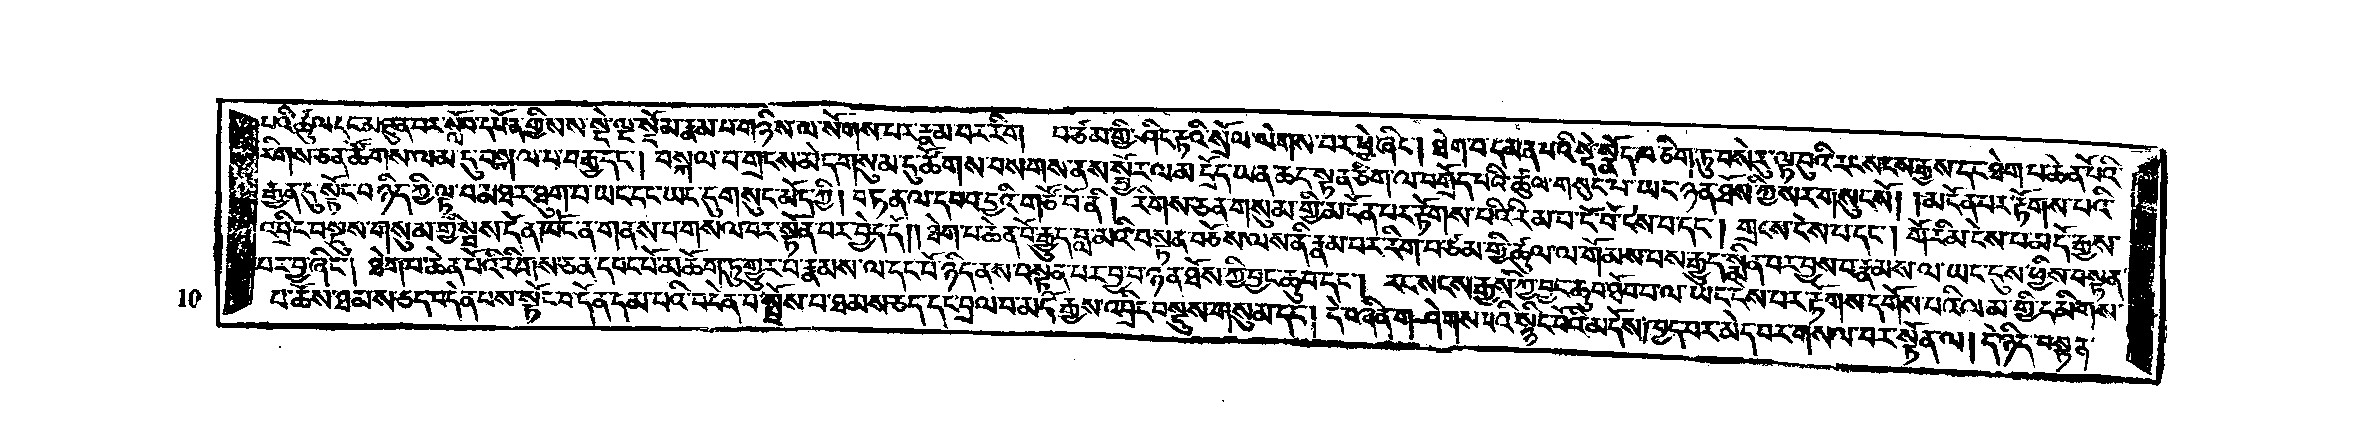པའི་ཚུལ་དང་མཐུན་པར་སློབ་དཔོན་གྱིས་ས་སྡེ་ལྔ་སྡོམ་རྣམ་པ་གཉིས་ལ་སོགས་པར་རྣམ་པར་རིག་པ་ཙམ་གྱི་ཤིང་རྟའི་སྲོལ་ལེགས་པར་ཕྱེ་ཞིང་། ཐེག་པ་དམན་པའི་སྡེ་སྣོད་ཁ་ཅིག་ཏུ་བསེ་རུ་ལྟ་བུའི་རང་སངས་རྒྱས་དང་ཐེག་པ་ཆེན་པོའི་
རིགས་ཅན་ཚོགས་ལམ་དུ་བསྐལ་པ་བརྒྱ་དང་། བསྐལ་པ་གྲངས་མེད་གསུམ་དུ་ཚོགས་བསགས་ནས་སྦྱོར་ལམ་དྲོད་ཡན་ཆད་སྟན་ཅིག་ལ་བགྲོད་པའི་ཚུལ་གསུང་པ་ཡང་ཉན་ཐོས་ཀྱི་སར་གསུངས་སོ། །མངོན་པར་རྟོགས་པའི་
རྒྱན་དུ་སྟོང་པ་ཉིད་ཀྱི་ལྟ་བ་མཐར་ཐུག་པ་ཡང་དང་ཡང་དུ་གསུང་མོད་ཀྱི། བཏན་ལ་དབབ་བྱའི་གཙོ་བོ་ནི། རིགས་ཅན་གསུམ་གྱི་མངོན་པར་རྟོགས་པའི་རིམ་པ་ངོ་བོ་ངེས་པ་དང་། གྲངས་ངེས་པ་དང་། གོ་རིམ་ངེས་པ་མདོ་རྒྱས་
འབྲིང་བསྡུས་གསུམ་གྱི་སྦས་དོན་ཁོང་ན་གནས་པ་གསལ་བར་སྟོན་པར་བྱེད་དོ། །ཐེག་པ་ཆེན་པོ་རྒྱུད་བླ་མའི་བསྟན་བཅོས་ལས་ནི་རྣམ་པར་རིག་པ་ཙམ་གྱི་ཚུལ་ལ་གོམས་པས་རྒྱུད་སྨིན་པར་བྱས་པ་རྣམས་ལ་ཡང་དུས་ཕྱིས་བསྟན་
པར་བྱ་ཞིང་། ཐེག་པ་ཆེན་པོའི་རིགས་ཅན་དབང་པོ་མཆོག་ཏུ་གྱུར་པ་རྣམས་ལ་དང་པོ་ཉིད་ནས་བསྟན་པར་བྱ་བ་ཉན་ཐོས་ཀྱི་བྱང་ཆུབ་དང་། རང་སངས་རྒྱས་ཀྱི་བྱང་ཆུབ་ཐོབ་པ་ལ་ཡང་ངེས་པར་རྟོགས་དགོས་པའི་ལམ་གྱི་དམིགས་
པ་ཆོས་ཐམས་ཅད་བདེན་པས་སྟོང་པ་དོན་དམ་པའི་བདེན་པ་སྨྲོས་པ་ཐམས་ཅད་དང་བྲལ་བ་མདོ་རྒྱས་འབྲིང་བསྡུས་གསུམ་དང་། དེ་བཞིན་གཤེགས་པའི་སྙིང་པོའི་མདོས་ཁྱད་པར་མེད་པར་གསལ་བར་སྟོན་ལ། དེ་ཉིད་བསྟན་